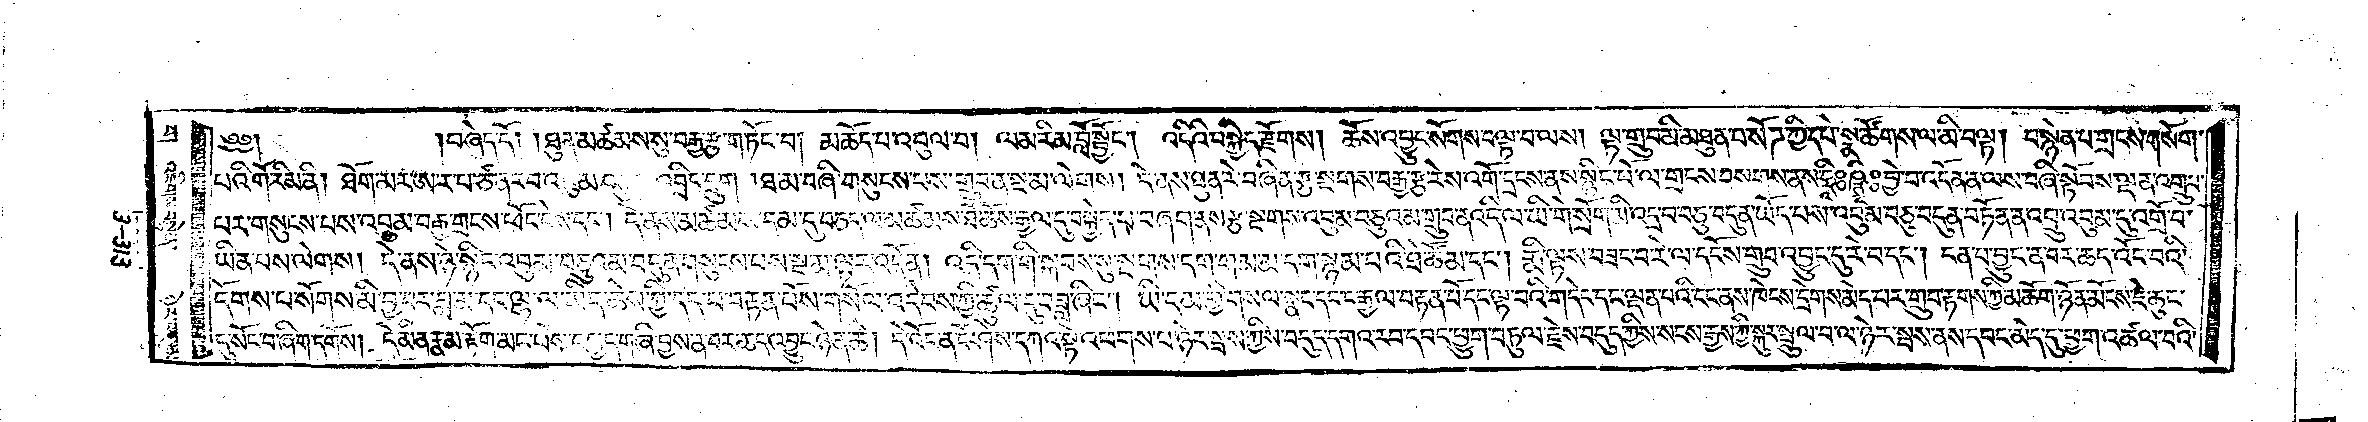༄༅། །བཞེད་དོ། །ཐུན་མཚམས་སུ་བརྒྱ་རྩ་གཏོང་པ། མཆོད་པ་འབུལ་བ། ལམ་རིམ་བློ་སྦྱོང་། འདིའི་བསྐྱིད་རྫོགས། ཆོས་འབྱུང་སོགས་བལྟ་བ་ལས། ལྟ་གྲུང་མི་མཐུན་པ་སོཌ་ཀྱི་དཔེ་སྣ་ཚོགས་ལ་མི་བལྟ། བསྙེན་པ་གྲངས་གསོག་
པའི་གོ་རིམ་ནི། ཐོག་མར་ཨ་ར་པ་ཙ་ན་རབ་འབུལ་བཅུ། འབྲིང་དྲུག །ཐ་མ་བཞི་གསུངས་པས་གྲུབ་ན་སྔ་མ་ལེགས། དེ་ནས་ཐུན་རེ་བཞིན་རྩ་སྔགས་བརྒྱ་རྩ་རེས་འགོ་དྲངས་ནས་སྙིང་པོ་ལ་གྲངས་བསགས་ནས་ཧྲཱིཿ ཥྚྦིཿ བྱེ་བ་འདོན་ན་ལས་བཞི་སྟོབས་ལྡན་འགྲུབ་
པར་གསུངས་པས་འབུམ་བརྒྱ་གྲངས་ཕོང་ངེས་དང་། དེ་ནས་མཚམས་དམ་དུ་བཅད་ལ་མཚམས་ཐོ་ཆོས་རྒྱལ་དུ་བསྐྱེད་པ་བཞག་ནས་རྩ་སྔགས་འབུམ་བཅུའམ་གྲུབ་ན་འདི་ལ་ཡི་གེ་སྲོག་མི་འདྲ་བ་བཅུ་བདུན་ཡོད་པས་འབུམ་བཅུ་བདུན་བཏོན་ན་འབྲུ་འབུམ་དུ་འགྲོ་བ་
ཡིན་པས་ལེགས། དེ་ནས་ཉེ་སྙིང་འབུམ་བཅུའམ་བདུན་གསུངས་པས་སྔ་མ་ལྟར་འདོན། འདི་དག་གི་སྐབས་སུ་སྔགས་དག་གམ་མ་དག་སྙམ་པའི་ཐེ་ཚོམ་དང་། རྨི་ལྟས་བཟང་བ་རེ་ལ་དངོས་གྲུབ་འབྱུང་དུ་རེ་བ་དང་། ངན་བ་བྱུང་ན་བར་ཆད་འོང་བའི་
དོགས་པ་སོགས་མི་བྱ་བར་བླ་མ་དང་ལྷ་ལ་ཡིད་ཆེས་ཀྱི་དད་པ་བརྟན་པོས་གསོལ་འདེབས་ཀྱི་ཚུལ་དུ་བཟླ་ཞིང་། ཡི་དམ་གྱི་གསལ་སྣང་དང་ང་རྒྱལ་བརྟན་པོ་དང་ལྟ་བའི་གདེང་དང་ལྡན་པའི་ངང་ནས་ཁེངས་དྲེགས་མེད་པར་གྲུབ་རྟགས་ཀྱི་མཆོག་ཉོན་མོངས་ཇེ་ཆུང་
དུ་སོང་བ་ཞིག་དགོས། དེ་མིན་རྣམ་རྟོག་མང་པོས་དབྱད་གཞི་བྱས་ན་བར་ཆད་འབྱུང་ཉེན་ཆེ། དེ་འོད་ན་ངོ་ཤེས་དཀའ་སྟེ་འཕགས་པ་ཉེར་སྦས་ཀྱིས་བདུད་དགའ་རབ་དབང་ཕྱུག་བཏུལ་རྗེས་བདུད་ཀྱིས་སངས་རྒྱས་ཀྱི་སྐུར་སྤྲུལ་བ་ལ་ཉེར་སྦས་ནས་དབང་མེད་དུ་ཕྱག་འཚལ་བའི་